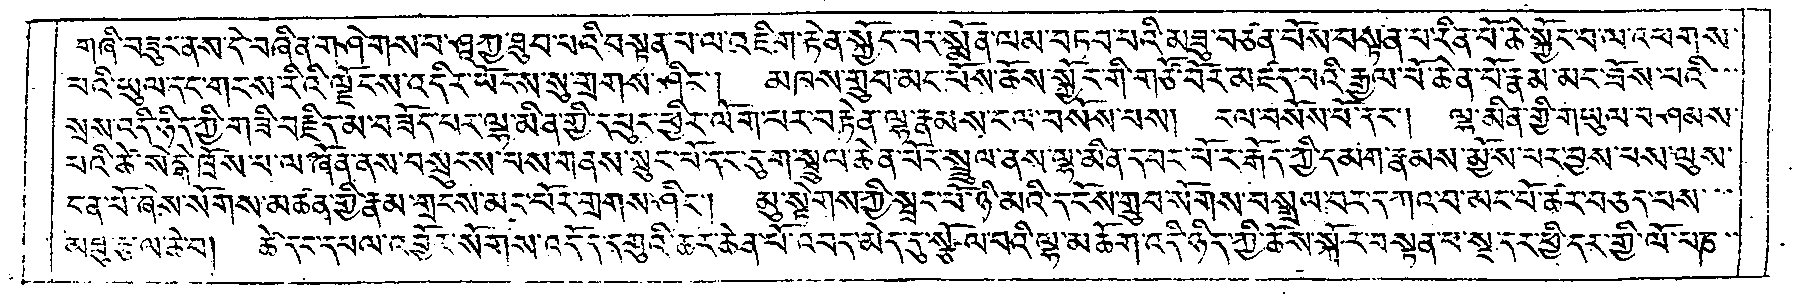གཞི་བཟུང་ནས་དེ་བཞིན་གཤེགས་པ་ཤཱཀྱ་ཐུབ་པའི་བསྟན་པ་ལ་འཇིག་རྟེན་སྐྱོང་བར་སྨོན་ལམ་བཏབ་པའི་མཐུ་བཙན་པོས་བསྟན་པ་རིན་པོ་ཆེ་སྐྱོང་བ་ལ་འཕགས་
པའི་ཡུལ་དང་གངས་རིའི་ལྗོངས་འདིར་ཡོངས་སུ་གྲགས་ཤིང་། མཁས་གྲུབ་མང་པོས་ཆོས་སྐྱོང་གི་གཙོ་བོར་མཛད་པའི་རྒྱལ་པོ་ཆེན་པོ་རྣམ་མང་ཐོས་པའི་
སྲས་འདི་ཉིད་ཀྱི་གཟི་བརྗིད་མ་བཟོད་པར་ལྷ་མིན་གྱི་དཔུང་ཕྱིར་ལོག་པར་བརྟེན་ལྷ་རྣམས་ངལ་བསོས་པས། ངལ་བསོས་པོ་དང་། ལྷ་མིན་གྱི་གཡུལ་བཤམས་
པའི་ཚེ་སེངྒེ་ཁྲོས་པ་ལ་ཞོན་ནས་བསྲུངས་པས་གནས་སྲུང་པོ་དང་དུག་སྤྲུལ་ཆེན་པོར་སྤྲུལ་ནས་ལྷ་མིན་དབང་པོ་ར་རྒོད་ཀྱི་དམག་རྣམས་མྱོས་པར་བྱས་པས་ལུས་
ངན་པོ་ཞེས་སོགས་མཚན་གྱི་རྣམ་གྲངས་མང་པོར་གྲགས་ཤིང་། མུ་སྟེགས་ཀྱི་སྤྲང་པོ་ཉི་མའི་དངོས་གྲུབ་སོགས་བསྒྲལ་བར་དཀའ་བ་མང་པོ་ཚར་བཅད་པས་
མཐུ་རྩལ་ཆེ་བ། ཚེ་དང་དཔལ་འབྱོར་སོགས་འདོད་དགུའི་ཆར་ཆེན་པོ་འབད་མེད་དུ་སྩོལ་བའི་ལྷ་མཆོག་འདི་ཉིད་ཀྱི་ཆོས་སྐོར་བསྟན་པ་སྔ་དར་ཕྱི་དར་གྱི་ལོ་པཎ་